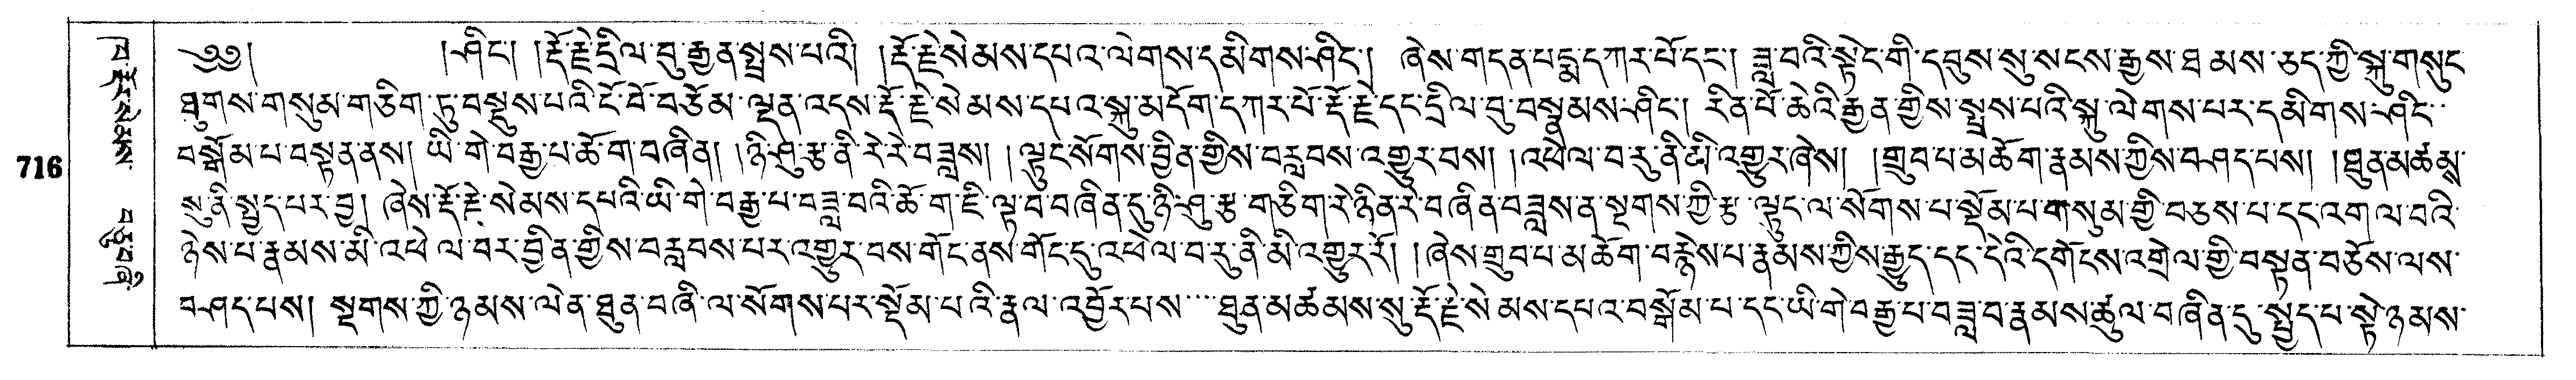༄༅། །ཤིང་། །རྡོ་རྗེ་དྲིལ་བུ་རྒྱན་སྤྲས་པའི། །རྡོ་རྗེ་སེམས་དཔའ་ལེགས་དམིགས་ཤིང་། ཞེས་གདན་པདམ་དཀར་པོ་དང་། ཟླ་བའི་སྟེང་གི་དབུས་སུ་སངས་རྒྱས་ཐམས་ཅད་ཀྱི་སྐུ་གསུང་
ཐུགས་གསུམ་གཅིག་ཏུ་བསྡུས་པའི་ངོ་བོ་བཅོམ་ལྡན་འདས་རྡོ་རྗེ་སེམས་དཔའ་སྐུ་མདོག་དཀར་པོ་རྡོ་རྗེ་དང་དྲིལ་བུ་བསྣམས་ཤིང་། རིན་པོ་ཆེའི་རྒྱན་གྱིས་སྤྲས་པའི་སྐུ་ལེགས་པར་དམིགས་ཤིང་
བསྒོམ་པ་བསྟན་ནས། ཡི་གེ་བརྒྱ་པ་ཆོ་ག་བཞིན། །ཉི་ཤུ་རྩ་ནི་རེ་རེ་བཟླས། །ལྟུང་སོགས་བྱིན་གྱིས་བརླབས་འགྱུར་བས། །འཕེལ་བ་རུ་ནི་མི་འགྱུར་ཞེས། །གྲུབ་པ་མཆོག་རྣམས་ཀྱིས་བཤད་པས། །ཐུན་མཚམས་
སུ་ནི་སྤྱད་པར་བྱ། ཞེས་རྡོ་རྗེ་སེམས་དཔའི་ཡི་གེ་བརྒྱ་པ་བཟླ་བའི་ཆོ་ག་ཇི་ལྟ་བ་བཞིན་དུ་ཉི་ཤུ་རྩ་གཅིག་རེ་ཉིན་རེ་བཞིན་བཟླས་ན་སྔགས་ཀྱི་རྩ་ལྟུང་ལ་སོགས་པ་སྡོམ་པ་གསུམ་གྱི་བཅས་པ་དང་འགལ་བའི་
ཉེས་པ་རྣམས་མི་འཕེལ་བར་བྱིན་གྱིས་བརླབས་པར་འགྱུར་བས་གོང་ནས་གོང་དུ་འཕེལ་བ་རུ་ནི་མི་འགྱུར་རོ། །ཞེས་གྲུབ་པ་མཆོག་བརྙེས་པ་རྣམས་ཀྱིས་རྒྱུད་དང་དེའི་དགོངས་འགྲེལ་གྱི་བསྟན་བཅོས་ལས་
བཤད་པས། སྔགས་ཀྱི་ཉམས་ལེན་ཐུན་བཞི་ལ་སོགས་པར་སྡོམ་པའི་རྣལ་འབྱོར་པས་ཐུན་མཚམས་སུ་རྡོ་རྗེ་སེམས་དཔའ་བསྒོམ་པ་དང་ཡི་གེ་བརྒྱ་པ་བཟླ་བ་རྣམས་ཚུལ་བཞིན་དུ་སྤྱད་པ་སྟེ་ཉམས་